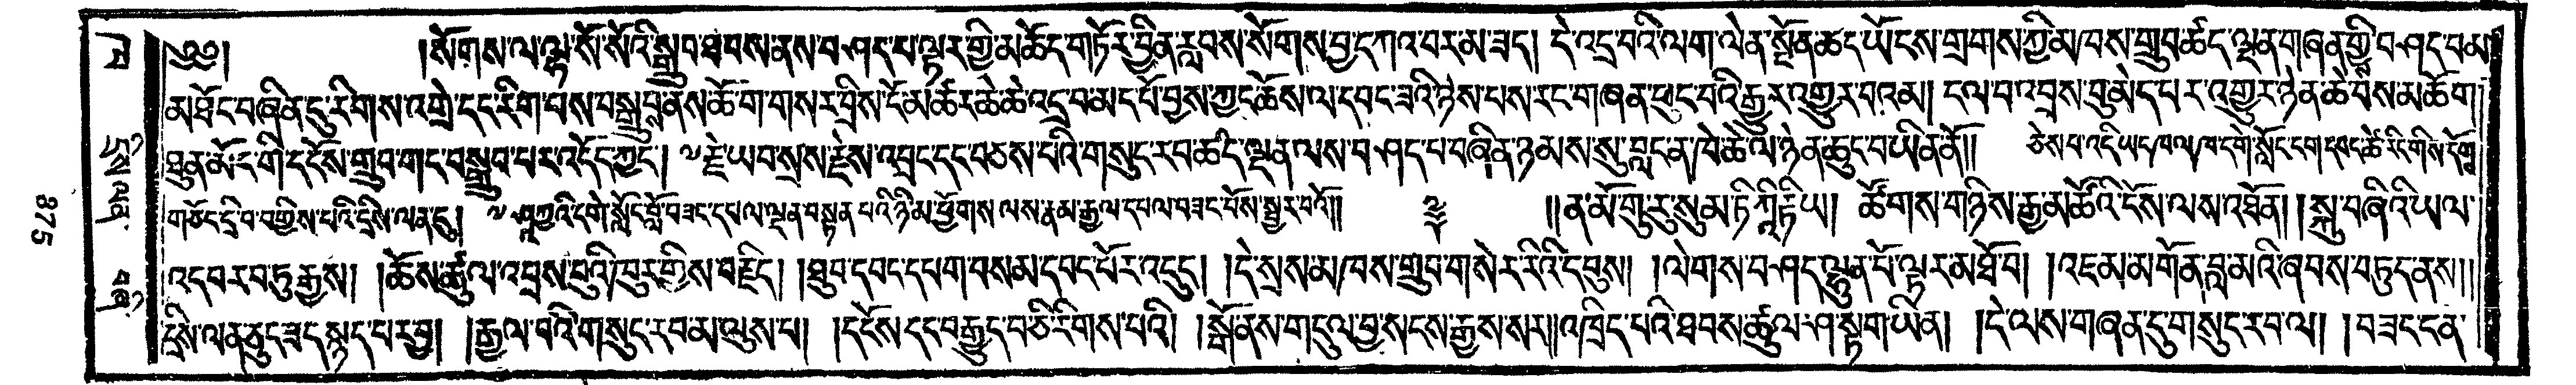༄༅། །སོགས་ལ་ལྷ་སོ་སོའི་སྒྲུབ་ཐབས་ནས་བཤད་པ་ལྟར་གྱི་མཆོད་གཏོར་བྱིན་རླབས་སོགས་བྱ་དཀའ་བར་མ་ཟད། དེ་འདྲ་བའི་ལག་ལེན་སྔོན་ཆད་ཡོངས་གྲགས་ཀྱི་མཁས་གྲུབ་ཚད་ལྡན་གཞན་གྱིས་བཤད་པ་མ་
མཐོང་བཞིན་དུ་རིགས་འགྲེ་དང་རིག་པས་བསྒྲུབས་ནས་ཆོ་ག་གསར་བྲིས་ངོ་མཚར་ཆེ་ཆེ་འདྲ་བ་མང་པོ་བྱས་ཀྱང་ཆོས་ལ་དབང་ཟའི་ཉེས་པས་རང་གཞན་ཕུང་བའི་རྒྱུར་འགྱུར་བའམ། ངལ་བ་འབྲས་བུ་མེད་པར་འགྱུར་ཉེན་ཆེ་བས་མཆོག་
ཐུན་མོང་གི་དངོས་གྲུབ་གང་བསྒྲུབ་པར་འདོད་ཀྱང་། ༧་རྗེ་ཡབ་སྲས་རྗེས་འབྲང་དང་བཅས་པའི་གསུང་རབ་ཚད་ལྡན་ལས་བཤད་པ་བཞིན་ཉམས་སུ་བླང་ན་ཁེ་ཆེ་ལ་ཉེན་ཆུང་བ་ཡིན་ནོ།། ཅེས་པ་འདི་ཡང་ཁལ་ཁ་དགེ་སློང་ངག་དབང་ཚེ་རིང་གིས་དོགས་
གཅོད་དྲི་བ་བགྱིས་པའི་དྲིས་ལན་དུ། ༧་ཤཱཀྱའི་དགེ་སློང་བློ་བཟང་དཔལ་ལྡན་བསྟན་པའི་ཉི་མ་ཕྱོགས་ལས་རྣམ་རྒྱལ་དཔལ་བཟང་པོས་སྦྱར་བའོ།། ༈ །།ན་མོ་གུ་རུ་སུ་མ་ཏི་ཀཱི་རྟི་ཡ། ཚོགས་གཉིས་རྒྱ་མཚོའི་ངོས་ལས་འཐོན། །སྐུ་བཞིའི་ཡལ་
འདབ་རབ་ཏུ་རྒྱས། །ཆོས་ཚུལ་འབྲས་བུའི་ཁུར་གྱིས་བརྗིད། །ཐུབ་དབང་དཔག་བསམ་དབང་པོར་འདུད། །དེ་སྲས་མཁས་གྲུབ་གསེར་རིའི་དབུས། །ལེགས་བཤད་ལྷུན་པོ་ལྟར་མཐོ་བ། །འཇམ་མགོན་བླ་མའི་ཞབས་བཏུད་ནས།།
དྲིས་ལན་ཅུང་ཟད་སྙད་པར་བྱ། །རྒྱལ་བའི་གསུང་རབ་མ་ལུས་པ། །དངོས་དང་བརྒྱུད་བ་ཅི་རིགས་པའི། །སྒོ་ནས་གདུལ་བྱ་སངས་རྒྱས་སར། །འཁྲིད་པའི་ཐབས་ཚུལ་ཤ་སྟག་ཡིན། །དེ་ལས་གཞན་དུ་གསུང་རབ་ལ། །བཟང་ངན་